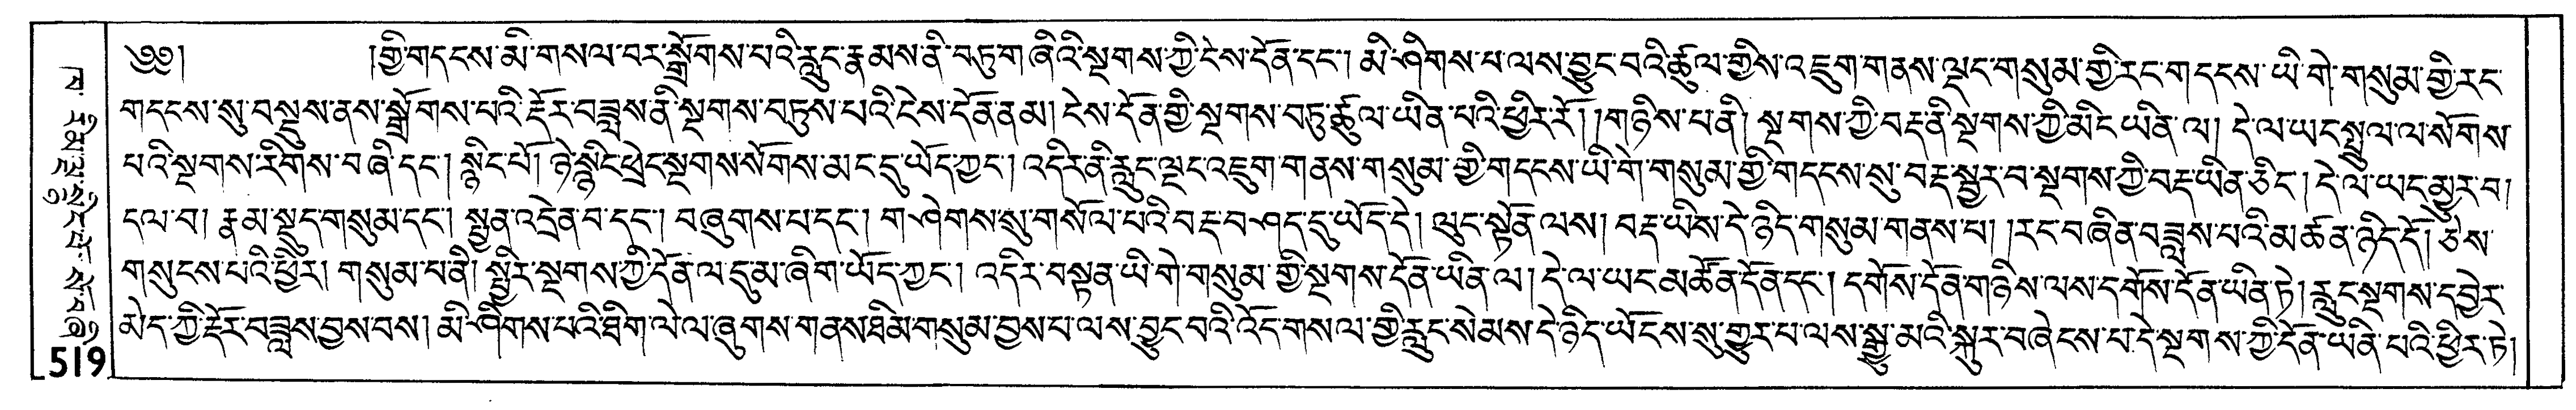༄༅། །གྱི་གདངས་མི་གསལ་བར་སྒྲོགས་པའི་རླུང་རྣམས་ནི་བཏུ་གཞིའི་སྔགས་ཀྱི་ངེས་དོན་དང་། མི་ཤིགས་པ་ལས་བྱུང་བའི་ཚུལ་གྱིས་འཇུག་གནས་ལྡང་གསུམ་གྱི་རང་གདངས་ཡི་གེ་གསུམ་གྱི་རང་
གདངས་སུ་བསྡུས་ནས་སྒྲོགས་པའི་རྡོར་བཟླས་ནི་སྔགས་བཏུས་པའི་ངེས་དོན་ནམ། ངེས་དོན་གྱི་སྔགས་བཏུ་ཚུལ་ཡིན་པའི་ཕྱིར་རོ། །གཉིས་པ་ནི། སྔགས་ཀྱི་བརྡ་ནི་སྔགས་ཀྱི་མིང་ཡིན་ལ། དེ་ལ་ཡང་སྤྲུལ་ལ་སོགས་
པའི་སྔགས་རིགས་བཞི་དང་། སྙིང་པོ། ཉེ་སྙིང་ཕྲེང་སྔགས་སོགས་མང་དུ་ཡོད་ཀྱང་། འདིར་ནི་རླུང་ལྡང་འཇུག་གནས་གསུམ་གྱི་གདངས་ཡི་གེ་གསུམ་གྱི་གདངས་སུ་བརྡ་སྦྱར་བ་སྔགས་ཀྱི་བརྡ་ཡིན་ཅིང་། དེ་ལ་ཡང་མྱུར་བ།
དལ་བ། རྣམ་སྡུད་གསུམ་དང་། སྤྱན་འདྲེན་བ་དང་། བཞུགས་པ་དང་། གཤེགས་སུ་གསོལ་པའི་བརྡ་བཤད་དུ་ཡོད་དེ། ལུང་སྟོན་ལས། བརྡ་ཡིས་དེ་ཉིད་གསུམ་གནས་པ། །རང་བཞིན་བཟླས་པའི་མཚན་ཉིད་དོ། ཅེས་
གསུངས་པའི་ཕྱིར། གསུམ་པ་ནི། སྤྱིར་སྔགས་ཀྱི་དོན་ལ་དུ་མ་ཞིག་ཡོད་ཀྱང་། འདིར་བསྟན་ཡི་གེ་གསུམ་གྱི་སྔགས་དོན་ཡིན་ལ། དེ་ལ་ཡང་མཚོན་དོན་དང་། དགོས་དོན་གཉིས་ལས་དགོས་དོན་ཡིན་ཏེ། རླུང་སྔགས་དབྱེར་
མེད་ཀྱི་རྡོར་བཟླས་བྱས་བས། མི་ཤིགས་པའི་ཐིག་ལེ་ལ་ཞུགས་གནས་ཐིམ་གསུམ་བྱས་པ་ལས་བྱུང་བའི་འོད་གསལ་གྱི་རླུང་སེམས་དེ་ཉིད་ཡོངས་སུ་གྱུར་པ་ལས་སྒྱུ་མའི་སྐུར་བཞེངས་པ་དེ་སྔགས་ཀྱི་དོན་ཡིན་པའི་ཕྱིར་ཏེ།